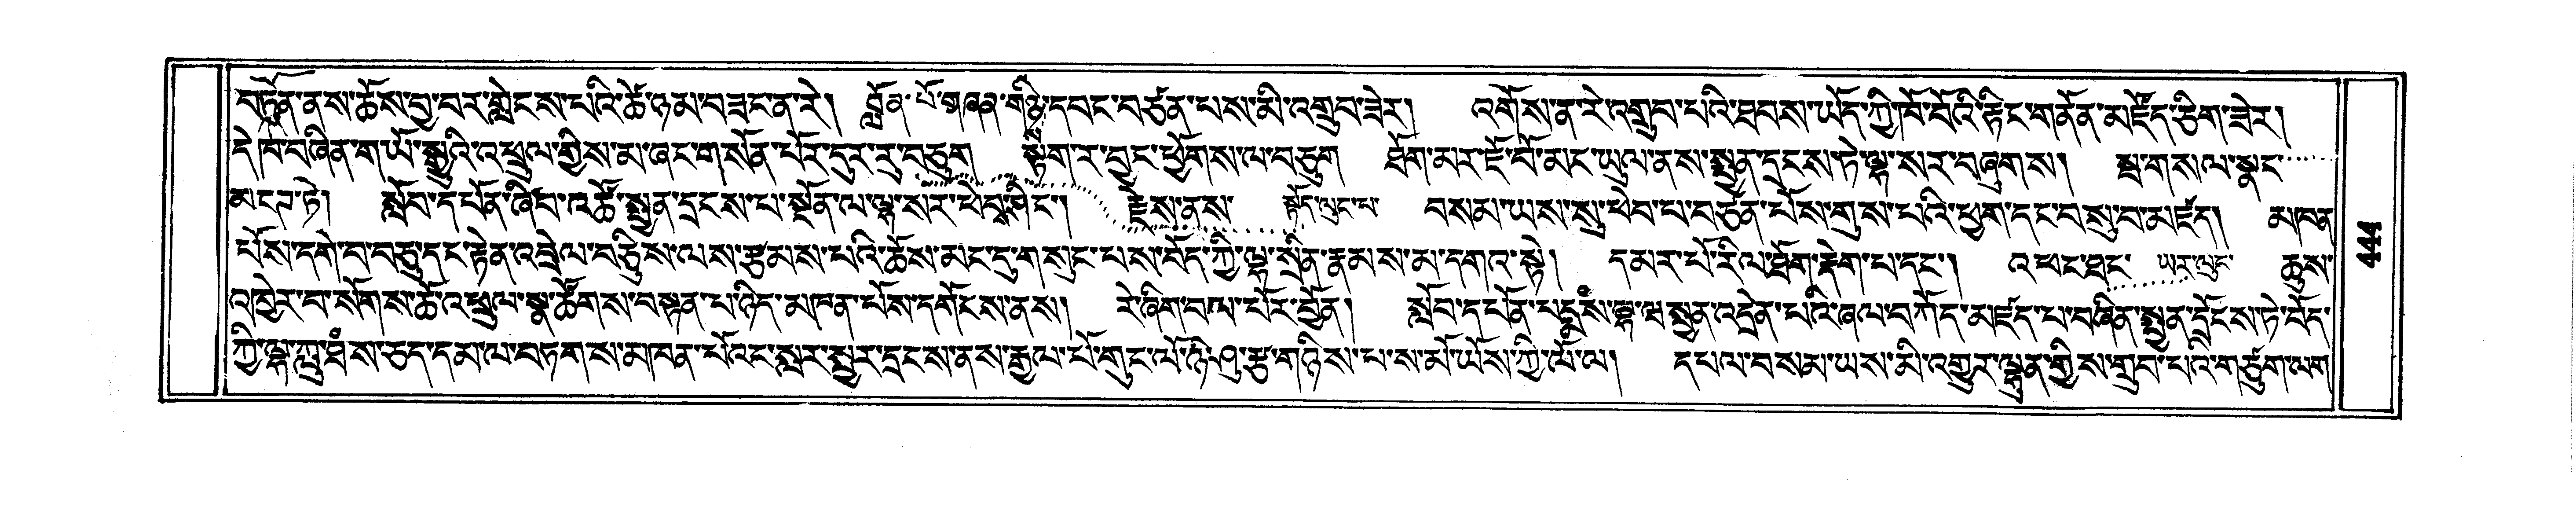བཏོན་ནས་ཆོས་བྱ་བར་གླེངས་པའི་ཚེ་ཉམ་བཟང་ན་རེ། བློན་པོ་གཞན་གཉིས་དབང་བཙན་པས་མི་འགྲུབ་ཟེར། འགོས་ན་རེ་འགྲུབ་པའི་ཐབས་ཡོད་ཀྱི་ཁོ་བོའི་རྟིང་གནོན་མཛོད་ཅིག་ཟེར།
དེ་ཁ་བཞིན་གཡོ་སྒྱུའི་འཕྲུལ་གྱིས་མ་ཞང་གསོན་པོར་དུར་རུ་བཅུག་སྟག་ར་བྱང་ཕྱོགས་ལ་བཅུག་ཐོག་མར་ཇོ་བོ་མང་ཡུལ་ནས་སྤྱན་དྲངས་ཏེ་ལྷ་སར་བཞུགས། སྦ་གསལ་སྣང་
མངཌ་ཏེ། སློབ་དཔོན་ཞི་བ་འཚོ་སྤྱན་དྲངས་པ་སྔོན་ལ་ལྷ་སར་ཕེབས་ཤིང་། རྗེས་ནས་སྟོད་ལུང་པ་བསམ་ཡས་སུ་ཕེབ་པ་བཙན་པོས་གུས་པའི་ཕྱག་དང་བསུ་བ་མཛད། མཁན་
པོས་དགེ་བ་བཅུ་དང་རྟེན་འབྲེལ་བཅུཨིས་ལས་རྩམས་པའི་ཆོས་མང་དུ་གསུང་པས་བོད་ཀྱི་ལྷ་སྲིན་རྣམས་མ་དགའ་སྟེ། དམར་པོ་རི་ལ་ཐོག་རྡེག་པ་དང་། འཕང་ཐང་ཡར་ལུང་ཆུས་
འཁྱེར་བ་སོགས་ཆོ་འཕྲུལ་སྣ་ཚོགས་བསྟན་པ་ཉིད་མཁན་པོས་དགོངས་ནས། རེ་ཞིག་བལ་པོར་བྱོན། སློབ་དཔོན་པདམཾས་ལྷ་ཝ་སྤྱན་འདྲེན་པའི་ཞལ་བཀོད་མཛད་པ་བཞིན་སྤྱན་དྲོངས་ཏེ་བོད་
ཀྱི་ལྷ་ཀླུ་ཐཾས་ཅད་དམ་ལ་བཏགས་མཁན་པོའང་སླར་སྤྱར་དྲངས་ནས་རྒྱལ་པོ་གུང་ལོ་ཉི་ཤུ་རྩ་གཉིས་པ་ས་མོ་ཡོས་ཀྱི་ལོ་ལ། དཔལ་བསམ་ཡས་མི་འགྱུར་ལྷུན་གྱིས་གྲུབ་པའི་གཙུག་ལག་